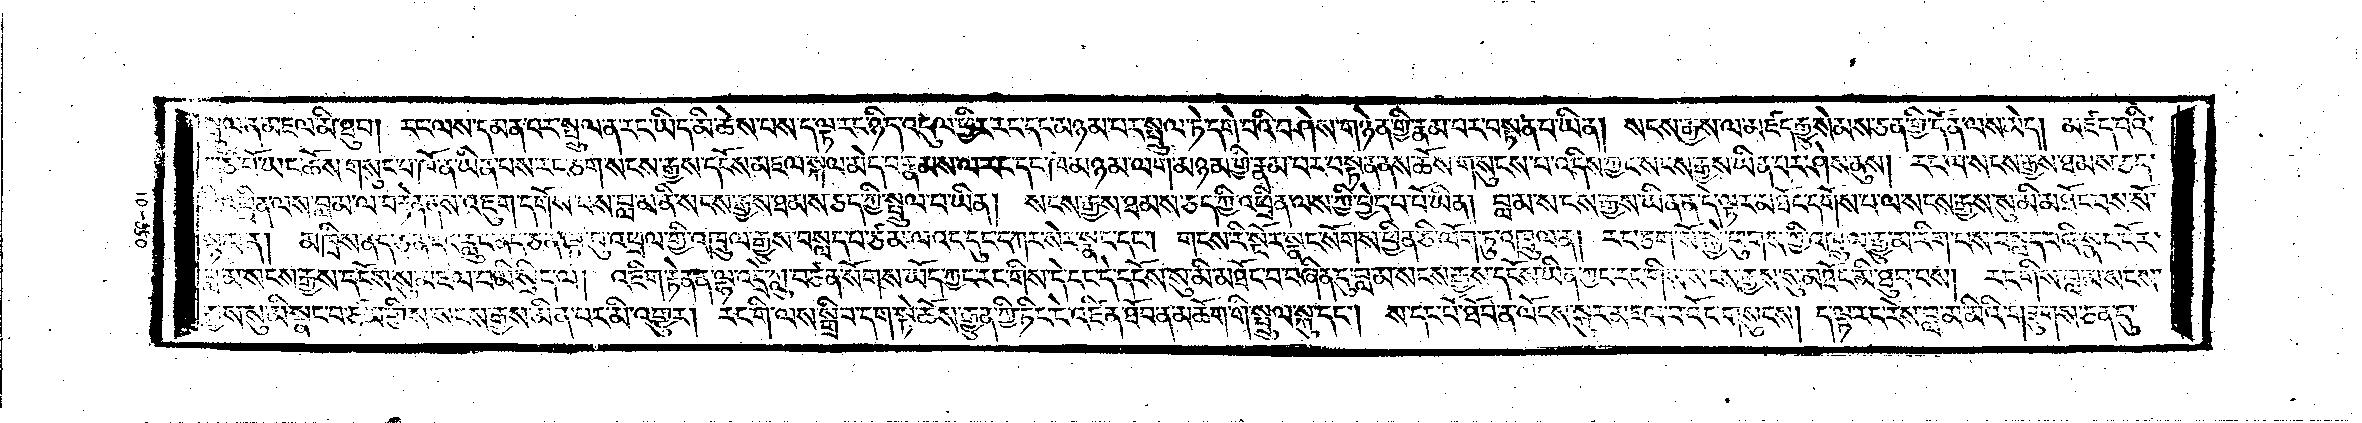སྤྲུལ་ན་མཇལ་མི་ཐུབ། རང་ལས་དམན་པར་སྤྲུལ་ན་རང་ཡིད་མི་ཆེས་པས་ད་ལྟ་རང་ཉིད་འདུལ་ཕྱིར་རང་དང་མཉམ་པར་སྤྲུལ་ཏེ་དགེ་བའི་བཤེས་གཉེན་གྱི་རྣམ་པར་བསྟན་པ་ཡིན། སངས་རྒྱས་ལ་མཛད་རྒྱུ་སེམས་ཅན་གྱི་དོན་ལས་མེད། མཛད་པའི་
གཙོ་བོ་ཡང་ཆོས་གསུང་བ་ཁོ་ན་ཡིན་པས་རང་ཅག་སངས་རྒྱས་དངོས་མཇལ་སྐལ་མེད་པ་རྣམས་ལ་རང་དང་ཁ་མཉམ་ལག་མཉམ་གྱི་རྣམ་པར་བསྟན་ནས་ཆོས་གསུངས་པ་འདིས་ཀྱང་སངས་རྒྱས་ཡིན་པར་ཤེས་ནུས། རང་ལ་སངས་རྒྱས་ཐམས་ཅད་
ཀྱི་འཕྲིན་ལས་བླ་མ་ལ་བརྟེན་ནས་འཇུག་དགོས་པས་བླ་མ་ནི་སངས་རྒྱས་ཐམས་ཅད་ཀྱི་སྤྲུལ་པ་ཡིན། སངས་རྒྱས་ཐམས་ཅད་ཀྱི་འཕྲིན་ལས་ཀྱི་བྱེད་པ་པོ་ཡིན། བླ་མ་སངས་རྒྱས་ཡིན་ན་དེ་ལྟར་མཐོང་དགོས་པ་ལ་སངས་རྒྱས་སུ་མི་མཐོང་བས་སོ་
སྙམ་ན། མཁྲིས་ནད་ཅན་དང་རླུང་ནད་ཅན་ལྟ་བུ་འཕྲལ་གྱི་འཁྲུལ་རྒྱུས་བསླད་པ་ཙམ་ལའང་དུང་དཀར་སེར་སྣང་དང་། གངས་རི་སྔོར་སྣང་སོགས་ཕྱིན་ཅི་ལོག་ཏུ་འཁྲུལ་ན། རང་ཅག་སོ་སྐྱེ་ཕུགས་ཀྱི་འཁྲུལ་རྒྱུ་མ་རིག་པས་བསླད་པའི་སྣང་ངོར་
བླ་མ་སངས་རྒྱས་དངོས་སུ་མཇལ་བ་མི་སྲིད་ལ། འཇིག་རྟེན་ན་ལྷ་འདྲེ་ཀླུ་བཙན་སོགས་ཡོད་ཀྱང་རང་གིས་དེ་དང་དེ་དངོས་སུ་མི་མཐོང་བ་བཞིན་དུ་བླ་མ་སངས་རྒྱས་དངོས་ཡིན་ཀྱང་རང་གིས་སངས་རྒྱས་སུ་མཐོང་མི་ཐུབ་པས། རང་གིས་བླ་མ་སངས་
རྒྱས་སུ་མི་སྣང་བ་ཙམ་གྱིས་སངས་རྒྱས་མིན་པར་མི་འགྱུར། རང་གི་ལས་སྒྲིབ་དག་སྟེ་ཆོས་རྒྱུན་ཀྱི་ཏིང་ངེ་འཛིན་ཐོབ་ན་མཆོག་གི་སྤྲུལ་སྐུ་དང་། ས་དང་པོ་ཐོབ་ན་ལོངས་སྐུར་མཇལ་བ་འོང་གསུངས། ད་ལྟར་རང་རེས་བླ་མ་མིའི་གཟུགས་ཅན་དུ་